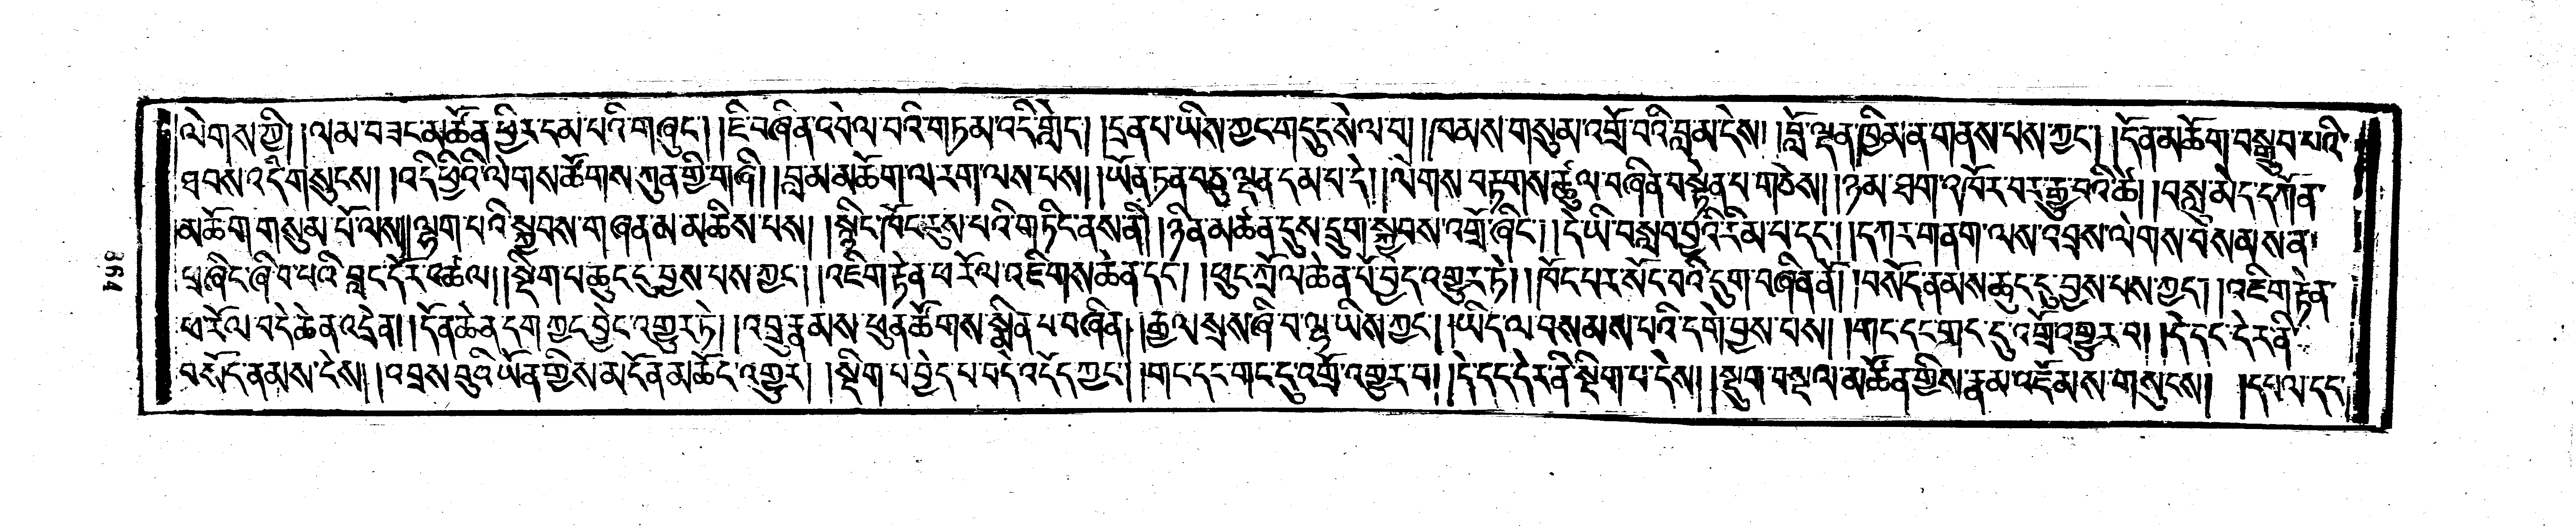ལེགས་ཀྱི། །ལམ་བཟང་མཚོན་ཕྱིར་དམ་པའི་གཞུང་། །ཇི་བཞིན་འཕེལ་བའི་གཏམ་འདི་གླེང་། །དྲན་པ་ཡིས་ཀྱང་གདུང་སེལ་བ། །ཁམས་གསུམ་འགྲོ་བའི་བླ་མ་དེས། །བློ་ལྡན་ཁྱིམ་ན་གནས་པས་ཀྱང་། །དོན་མཆོག་བསྒྲུབ་པའི་
ཐབས་འདི་གསུངས། །འདི་ཕྱིའི་ལེགས་ཚོགས་ཀུན་གྱི་གཞི། །བླ་མ་མཆོག་ལ་རག་ལས་པས། །ཡོན་ཏན་བཅུ་ལྡན་དམ་པ་དེ། །ལེགས་བརྟགས་ཚུལ་བཞིན་བསྟེན་པ་གཅེས། །ཉམ་ཐག་འཁོར་བར་རྒྱུ་བའི་ཚེ། །བསླུ་མེད་དཀོན་
མཆོག་གསུམ་པོ་ལས། །ལྷག་པའི་སྐྱབས་གཞན་མ་མཆིས་པས། །སྙིང་ཁོང་རུས་པའི་གཏིང་ནས་ནི། །ཉིན་མཚན་དུས་དྲུག་སྐྱབས་འགྲོ་ཞིང་། །དེ་ཡི་བསླབ་བྱའི་རིམ་པ་དང་། །དཀར་གནག་ལས་འབྲས་ལེགས་བསམས་ན། །
ཕྲ་ཞིང་ཞིབ་པའི་བླང་དོར་འཚལ། །སྡིག་པ་ཆུང་ངུ་བྱས་པས་ཀྱང་། །འཇིག་རྟེན་ཕ་རོལ་འཇིགས་ཆེན་དང་། །ཕུང་ཀྲོལ་ཆེན་པོ་བྱེད་འགྱུར་ཏེ། །ཁོང་པར་སོང་བའི་དུག་བཞིན་ནོ། །བསོད་ནམས་ཆུང་ངུ་བྱས་པས་ཀྱང་། །འཇིག་རྟེན་
ཕ་རོལ་བདེ་ཆེན་འདྲན། །དོན་ཆེན་དག་ཀྱང་བྱེད་འགྱུར་ཏེ། །འབྲུ་རྣམས་ཕུན་ཚོགས་སྨིན་པ་བཞིན། །རྒྱལ་སྲས་ཞི་བ་ལྷ་ཡིས་ཀྱང་། །ཡིད་ལ་བསམས་པའི་དགེ་བྱས་པས། །གང་དང་གང་དུ་འགྲོ་འགྱུར་བ། །དེ་དང་དེར་ནི་
བསོད་ནམས་དེས། །འབྲས་བུའི་ཡོན་གྱིས་མངོན་མཆོད་འགྱུར། །སྡིག་པ་བྱེད་པ་བདེ་འདོད་ཀྱང་། །གང་དང་གང་དུ་འགྲོ་འགྱུར་བ། །དེ་དང་དེར་ནི་སྡིག་པ་དེས། །སྡུག་བསྔལ་མཚོན་གྱིས་རྣམ་འཇོམས་གསུངས། །དཔལ་དང་